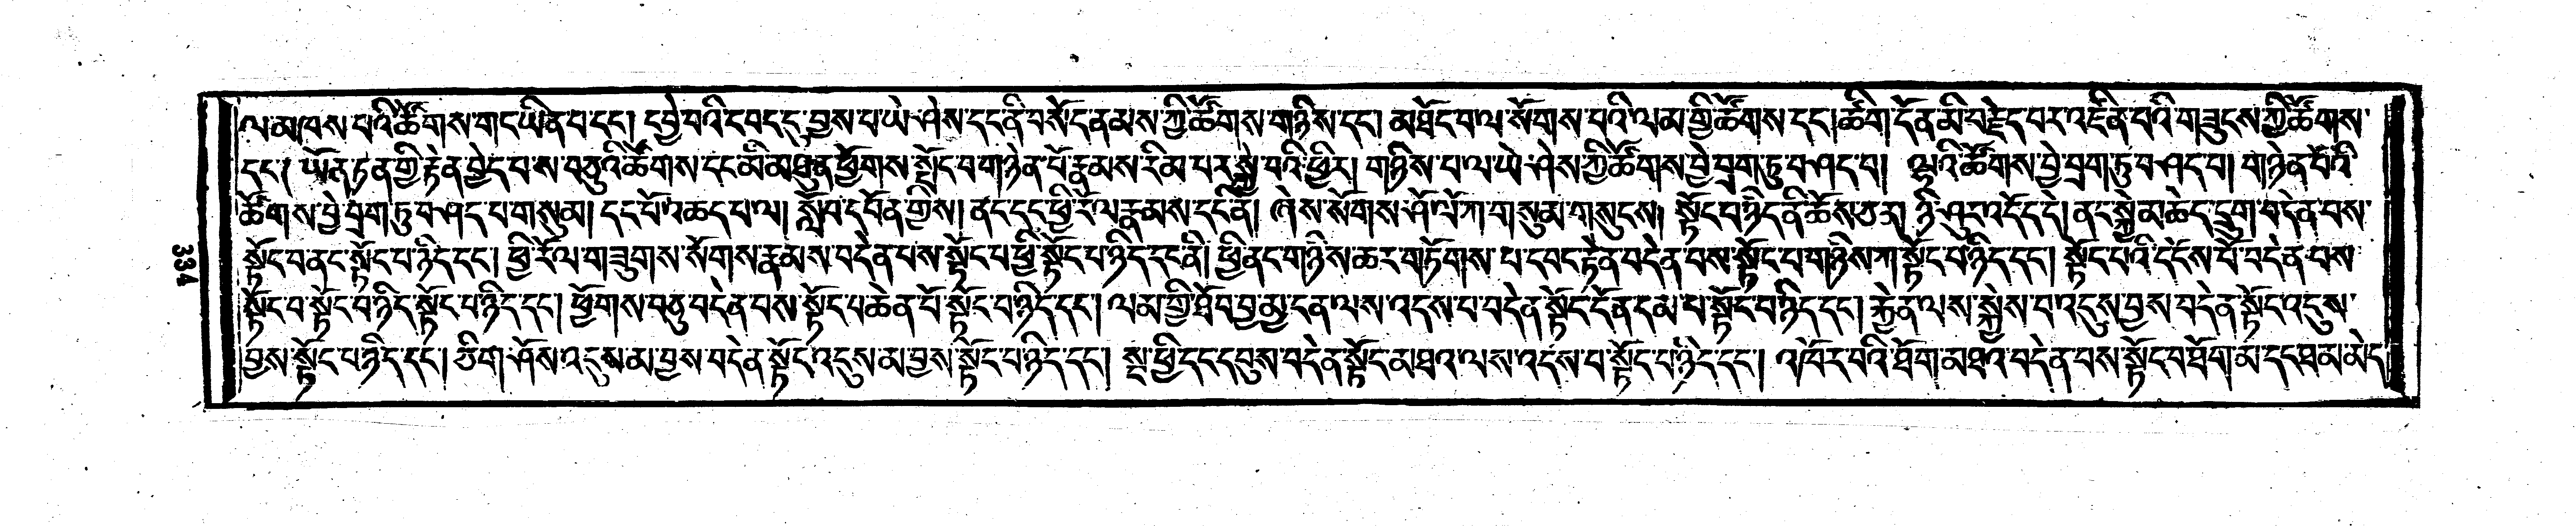ལ་མཁས་པའི་ཚོགས་གང་ཡིན་པ་དང་། དབྱེ་བའི་དབང་དུ་བྱས་པ་ཡེ་ཤེས་དང་ནི་བསོད་ནམས་ཀྱི་ཚོགས་གཉིས་དང་། མཐོང་བ་ལ་སོགས་པའི་ལམ་གྱི་ཚོགས་དང་། ཚིག་དོན་མི་བརྗེད་པར་འཛིན་པའི་གཟུངས་ཀྱི་ཚོགས་
དང་། ཡོན་ཏན་གྱི་རྟེན་བྱེད་པ་ས་བཅུའི་ཚོགས་དང་མི་མཐུན་ཕྱོགས་སྤོང་བ་གཉེན་པོ་རྣམས་རིམ་པར་སྐྱེ་བའི་ཕྱིར། གཉིས་པ་ལ་ཡེ་ཤེས་ཀྱི་ཚོགས་བྱེ་བྲག་ཏུ་བཤད་པ། ལྷའི་ཚོགས་བྱེ་བྲག་ཏུ་བཤད་པ། གཉེན་པོའི་
ཚོགས་བྱེ་བྲག་ཏུ་བཤད་པ་གསུམ། དང་པོ་འཆད་པ་ལ། སློབ་དཔོན་གྱིས། ནང་དང་ཕྱིར་ལ་རྣམས་དང་ནི། ཞེས་སོགས་ཤོ་ལོ་ཀ་གསུམ་གསུངས། སྟོང་པ་ཉིད་ནི་ཆོས་ཅན། ཉི་ཤུར་འདོད་དེ། ནང་སྐྱེ་མཆེད་དྲུག་བདེན་པས་
སྟོང་པ་ནང་སྟོང་པ་ཉིད་དང་། ཕྱི་རོལ་གཟུགས་སོགས་རྣམས་བདེན་པས་སྟོང་བ་ཕྱི་སྟོང་པ་ཉིད་དང་ནི། ཕྱི་ནང་གཉིས་ཆར་གཏོགས་པ་དབང་རྟེན་བདེན་པས་སྟོང་པ་གཉིས་ཀ་སྟོང་པ་ཉིད་དང་། སྟོང་པའི་དངོས་པོ་བདེན་པས་
སྟོང་བ་སྟོང་པ་ཉིད་སྟོང་པ་ཉིད་དང་། ཕྱོགས་བཅུ་བདེན་པས་སྟོང་བ་ཆེན་པོ་སྟོང་པ་ཉིད་དང་། ལམ་གྱི་ཐོབ་བྱ་མྱ་ངན་ལས་འདས་པ་བདེན་སྟོང་དོན་དམ་པ་སྟོང་པ་ཉིད་དང་། རྐྱེན་ལས་སྐྱེས་པ་འདུས་བྱས་བདེན་སྟོང་འདུས་
བྱས་སྟོང་པ་ཉིད་དང་། ཅིག་ཤོས་འདུས་མ་བྱས་བདེན་སྟོང་འདུས་མ་བྱས་སྟོང་པ་ཉིད་དང་། སྔ་ཕྱི་དང་དབུས་བདེན་སྟོང་མཐའ་ལས་འདས་པ་སྟོང་པ་ཉིད་དང་། འཁོར་བའི་ཐོག་མཐའ་བདེན་པས་སྟོང་པ་ཐོག་མ་དང་ཐ་མ་མེད་